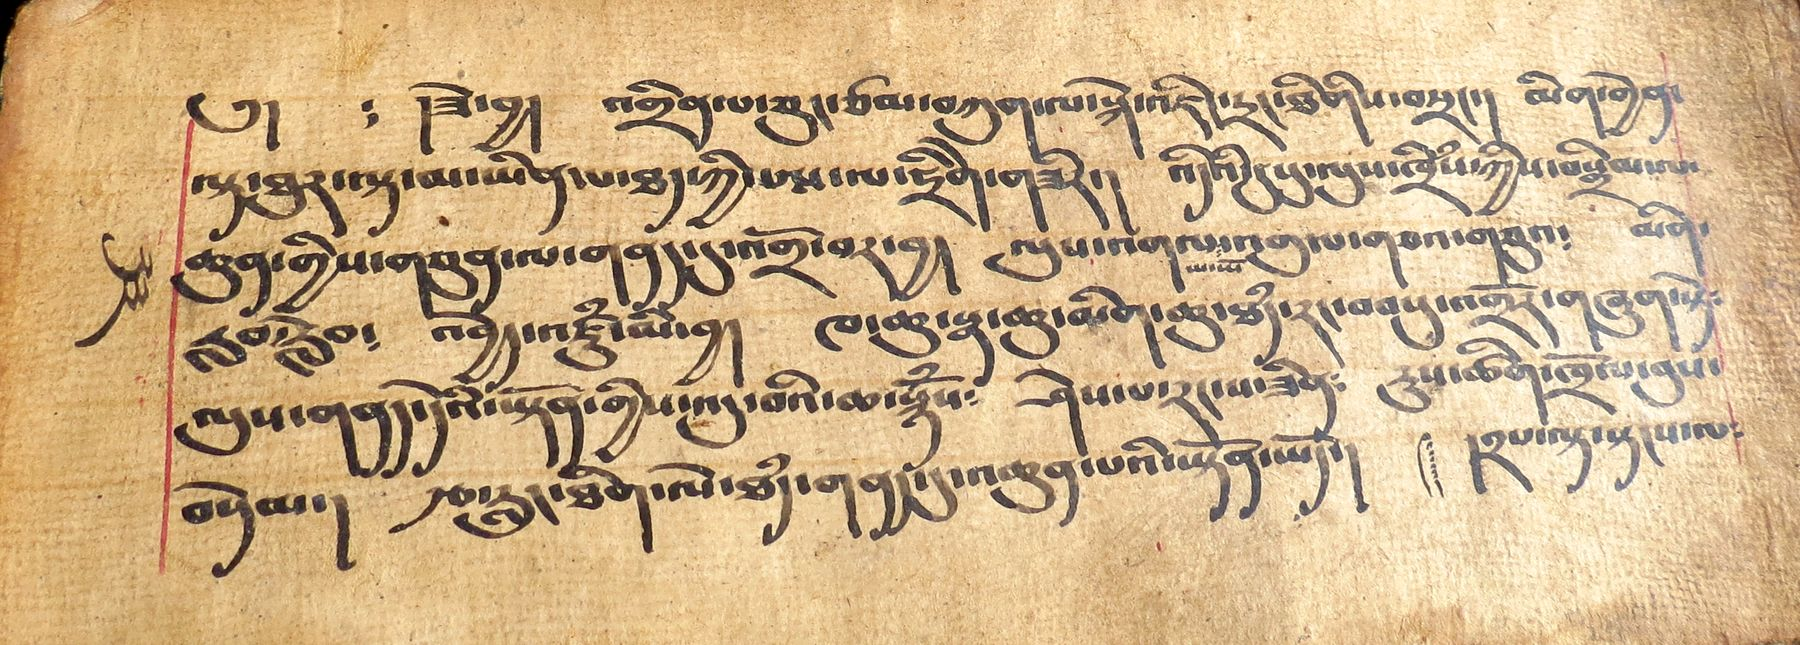ཟེ་བྱ། མགྲིན་པ་ཅུང་ཙམ་བཀུག་ལ་སྐེ་མཇིང་དྲང་ཐིག་གིས་བསྲང་། མིག་གྱེན་
ལྟ་ཐུར་ལྟ་མ་ཡིན་པ་ཐད་ཀྱི་ཨ་ལ་ཧྲིག་གེ་གཟིར། འདིའི་དུས་སུ་ལུས་ཁྲིམས་ཀྱིས་བསྒྲིམས་ལ་
ཆུན་གྱིས་གཅུན་ཏེ་གནད་དུ་འགྲོ་བར་བྱ། ལུས་གལ་འགུལ་ཡ་ཡོ་གཅའ་གཅུ། མིག་
ལྷབ་ལྷེབ་འབྱེད་འཛུམ་མི་བྱ། ཁ་ཆུ་སྣ་ཆུ་མིག་ཆུ་ཐམས་ཅད་རང་འབབས་སུ་འགྲོར་གཞུག་སྟེ། 
ལུས་གནད་དེའི་ཡོན་ཏན་གྱིས་འདུ་བ་ཆ་སྙོམས། ཤེས་པ་རང་ས་ཟིན། རུས་ཚིགས་ཁྲོམ་བུ་
བསྡེམས། རྩ་རླུང་ཐིག་ལེ་ཐམས་ཅད་གནད་དུ་འཆུན་པའི་ཡོན་ཏན་ཡོད་དོ། ། ༧གཉིས་པ་ལྟ་སྟངས་ལ།